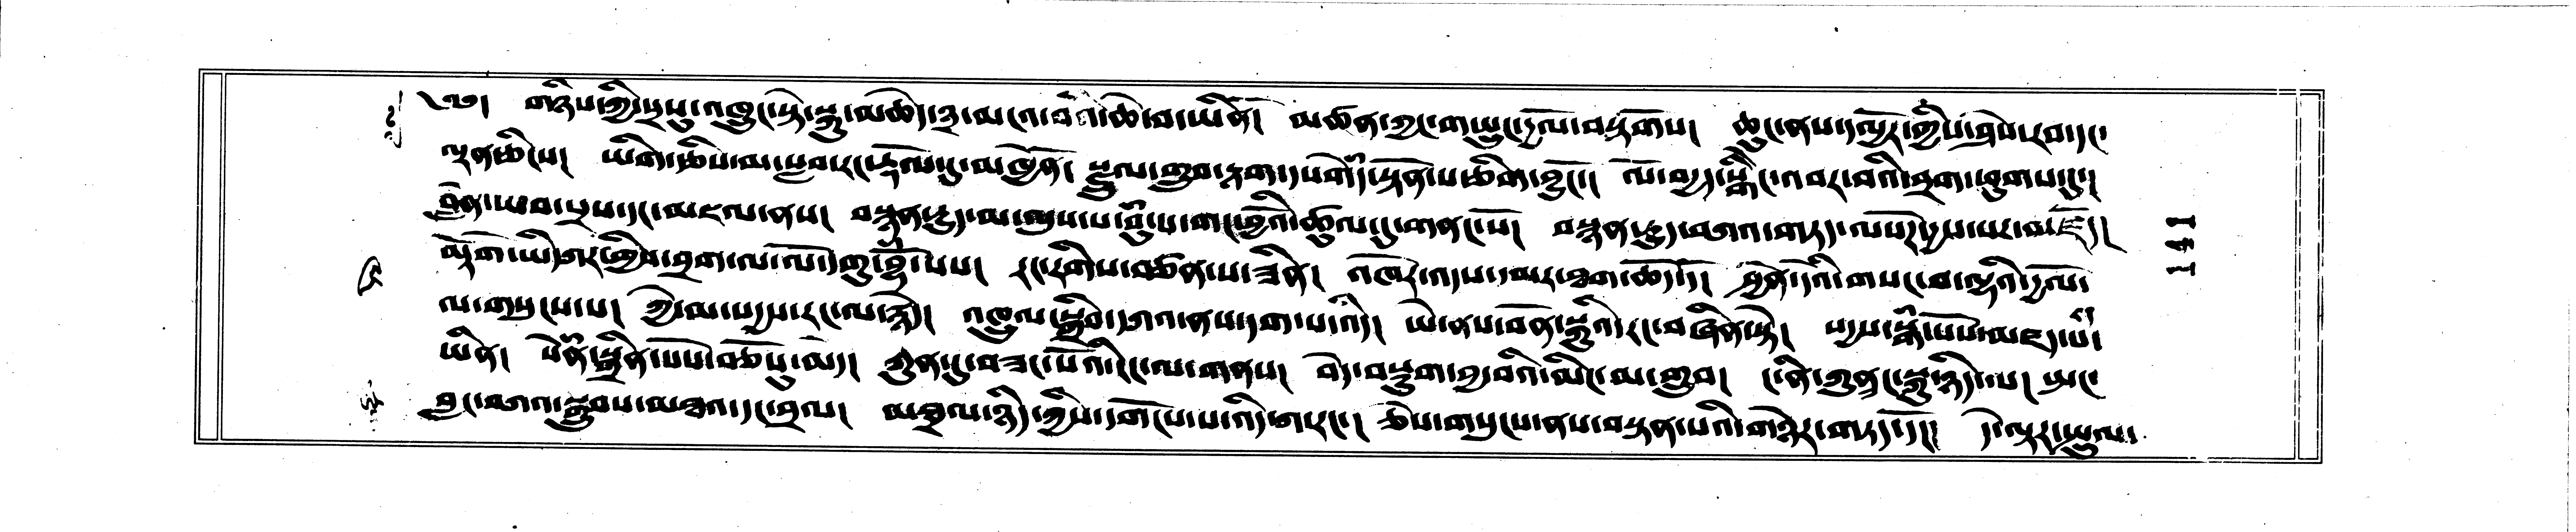གཉིས་ཀྱི་སྲས་སུ་འཁྲུངས་སྟེ་སྐུ་མཆེད་གསུམ་མངའ་བའི་ཆེ་བ་ཡིན་ནོ། །མཚན་ཀྱང་གཡུང་དྲུང་རྒྱལ་པོ་བཏགས་སོ། ཆུང་ནས་དལ་འབྱོར་གྱིས་ཤེས་རབ་དང་
ལྡན་ཅིང་། ཡིག་རྩིས་མ་བསླབ་རང་རྡོལ་དུ་མཁྱེན་ནོ། རྫུ་འཕྲུལ་གྲུབ་རྟགས་དཔག་མེད་སྟོན་པ་ཅིག་བྱུང་ངོ་། ལོ་བརྒྱད་སེང་གེ་འབར་བའི་བྲག་ཕུག་ཏུ། 
བླ་ཆེན་ཡབ་སྲས་དང་མཇལ་ནས། སྙན་རྒྱུད་མ་ལུས་པ་བུམ་པ་གང་བྱོའི་ཚུལ་དུ་གནང་ངོ་། སྙན་རྒྱུད་བཀའ་གཏད་ལ་སོགས་རྒྱས་པར་མཛོད། 
མེ་ཏོག་ཡིད་དཀར་གྱི་བྲག་ལ་ལོ་དགུ་བསྒོམ་པས། རང་རིག་བཙན་ས་ཟིན། འཁོར་འདས་དམར་ཐག་ཆོད་དོ། གཤེན་དེའི་གསང་བ་ལྷའི་རྒྱལ་པོ་
ལ་གསུངས་པ། ཀྱེ་མ་སངས་རྒྱས་རང་ལ་རྙེད། འཁྲུལ་སྒྲིབ་ཀ་ནས་དག་པ་འདི། ཡེ་ནས་བོན་སྐུའི་རང་བཞིན་སྟེ། སངས་རྒྱས་སྒམ་པོས་མཛད་པ་
མིན། སེམས་ཅན་སྒྲིན་པོས་བཅོས་སུ་མེད། ཀུན་ཏུ་བཟང་པོའི་ངང་ལ་གནས། བདེ་སྡུག་བྱ་བའི་མིང་མ་གྲུབ། ང་ནི་ཀུན་བཟང་སྐུ་ཉིད་ལ། སྤང་
བླང་བཀའ་སྒྲུབ་མཐའ་དང་བྲལ། མཐའ་བྲལ་ཉིད་ཀྱིས་དགོངས་པ་འདི་གང་རང་། ཅེས་གསུངས་ནས་བསྟན་པའི་གཉེར་གཏད་དོ། །དེ་ལྟར་སྤྲུལ་